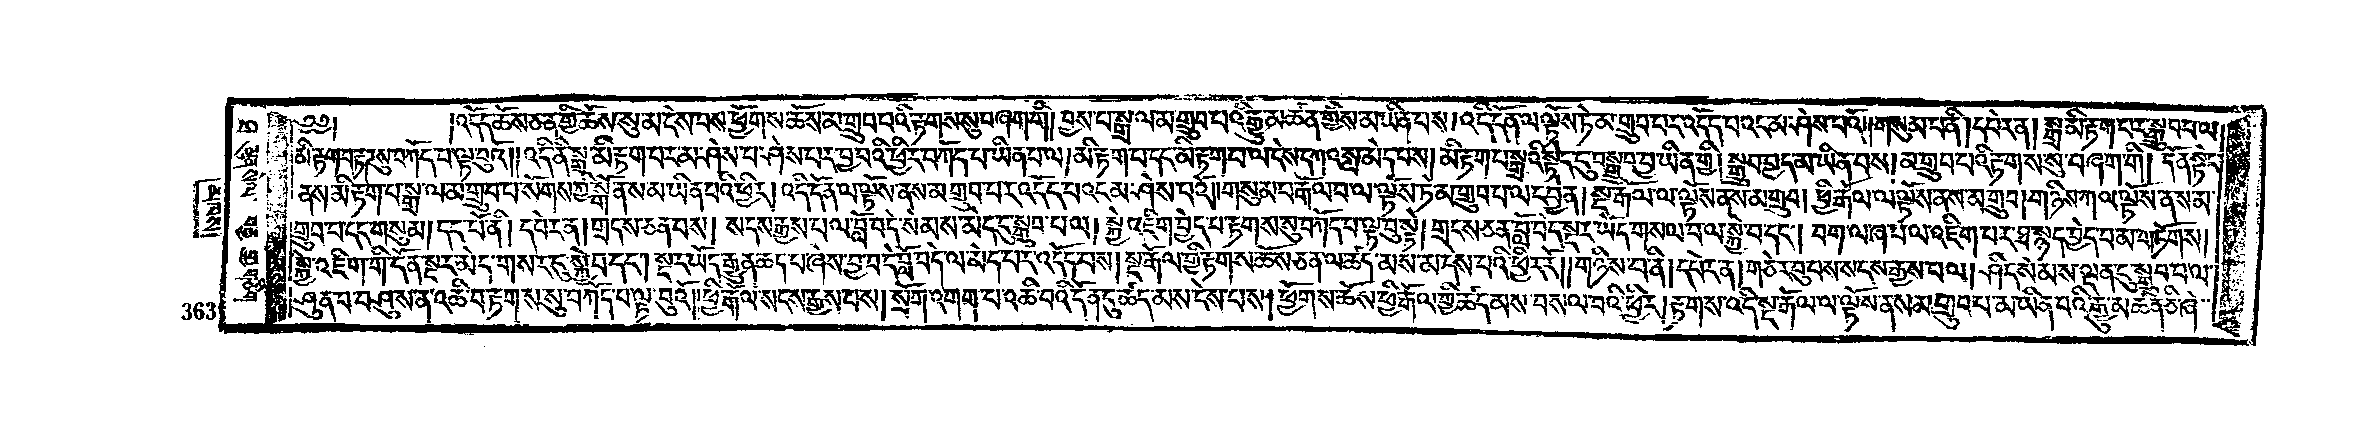༄༅། །འདོད་ཆོས་ཅན་གྱི་ཆོས་སུ་མ་ངེས་བས་ཕྱོགས་ཆོས་མ་གྲུབ་པའི་རྟགས་སུ་བཞག་གི། བྱས་པ་སྒྲ་ལ་མ་གྲུབ་པའི་རྒྱུ་མཚན་གྱིས་མ་ཡིན་པས། འདི་དོན་ལ་ལྟོས་ཏེ་མ་གྲུབ་པར་འདོད་པའང་མ་ཤེས་པའོ། །གསུམ་པ་ནི། དཔེར་ན། སྒྲ་མི་རྟག་པར་སྒྲུབ་པ་ལ་
མི་རྟག་པ་རྟགས་སུ་བཀོད་པ་ལྟ་བུའོ། །འདི་ནི་སྒྲ་མི་རྟག་པར་མ་ཤེས་པ་ཤེས་པར་བྱ་བའི་ཕྱིར་བཀོད་པ་ཡིན་པ་ལ། མི་རྟག་པ་དང་མི་རྟག་པ་ལ་ངེས་དཀའ་སླ་མེད་པས། མི་རྟག་པ་སྒྲའི་སྟེང་དུ་བསྒྲུབ་བྱ་ཡིན་གྱི། སྒྲུབ་བྱེད་མ་ཡིན་པས། མ་གྲུབ་པའི་རྟགས་སུ་བཞག་གི། དོན་སྟེང་
ནས་མི་རྟག་པ་སྒྲ་ལ་མ་གྲུབ་པ་སོགས་ཀྱི་སྒོ་ནས་མ་ཡིན་པའི་ཕྱིར། འདི་དོན་ལ་ལྟོས་ནས་མ་གྲུབ་པར་འདོད་པའང་མ་ཤེས་པའོ། །གསུམ་པ་རྒོལ་བ་ལ་ལྟོས་ཏེ་མ་གྲུབ་པ་ལ་དབྱེ་ན། སྔ་རྒོལ་ལ་ལྟོས་ནས་མ་གྲུབ། ཕྱི་རྒོལ་ལ་ལྟོས་ནས་མ་གྲུབ། གཉིས་ཀ་ལ་ལྟོས་ནས་མ་
གྲུབ་པ་དང་གསུམ། དང་པོ་ནི། དཔེར་ན། གྲངས་ཅན་པས། སངས་རྒྱས་པ་ལ་བློ་བདེ་སེམས་མེད་དུ་སྒྲུབ་པ་ལ། སྐྱེ་འཇིག་བྱེད་པ་རྟགས་སུ་བཀོད་པ་ལྟ་བུ་སྟེ། གྲངས་ཅན་བློ་བདེ་སྔར་ཡོད་གསལ་བ་ལ་སྐྱེ་བ་དང་། བག་ལ་ཞི་པ་ལ་འཇིག་པར་ཐ་སྙད་བྱེད་པ་མ་གཏོགས།
སྐྱེ་འཇིག་གི་དོན་སྔར་མེད་གསར་དུ་སྐྱེ་བ་དང་། སྔར་ཡོད་རྒྱུན་ཆད་པ་ཞེས་བྱ་བདེ་བློ་བདེ་ལ་མེད་པར་འདོད་པས། སྔ་རྒོལ་གྱི་རྟགས་ཆོས་ཅན་ལ་ཚད་མས་མ་དེས་པའི་ཕྱིར་རོ། །གཉིས་པ་ནི། དཔེར་ན། གཅེར་བུ་པས་སངས་རྒྱས་པ་ལ། ཤིང་སེམས་ལྡན་དུ་སྒྲུབ་པ་ལ་
ཤུན་པ་བཤུས་ན་འཆི་བ་རྟགས་སུ་བཀོད་པ་ལྟ་བུའོ། །ཕྱི་རྒོལ་སངས་རྒྱས་པས། སྲོག་འགག་པ་འཆི་བའི་དོན་དུ་ཚད་མས་ངེས་པས། ཕྱོགས་ཆོས་ཕྱི་རྒོལ་གྱི་ཚད་མས་བསལ་བའི་ཕྱིར། རྟགས་འདི་སྔ་རྒོལ་ལ་ལྟོས་ནས་མ་གྲུབ་པ་མ་ཡིན་པའི་རྒྱུ་མཚན་ཅི་ཞེ་